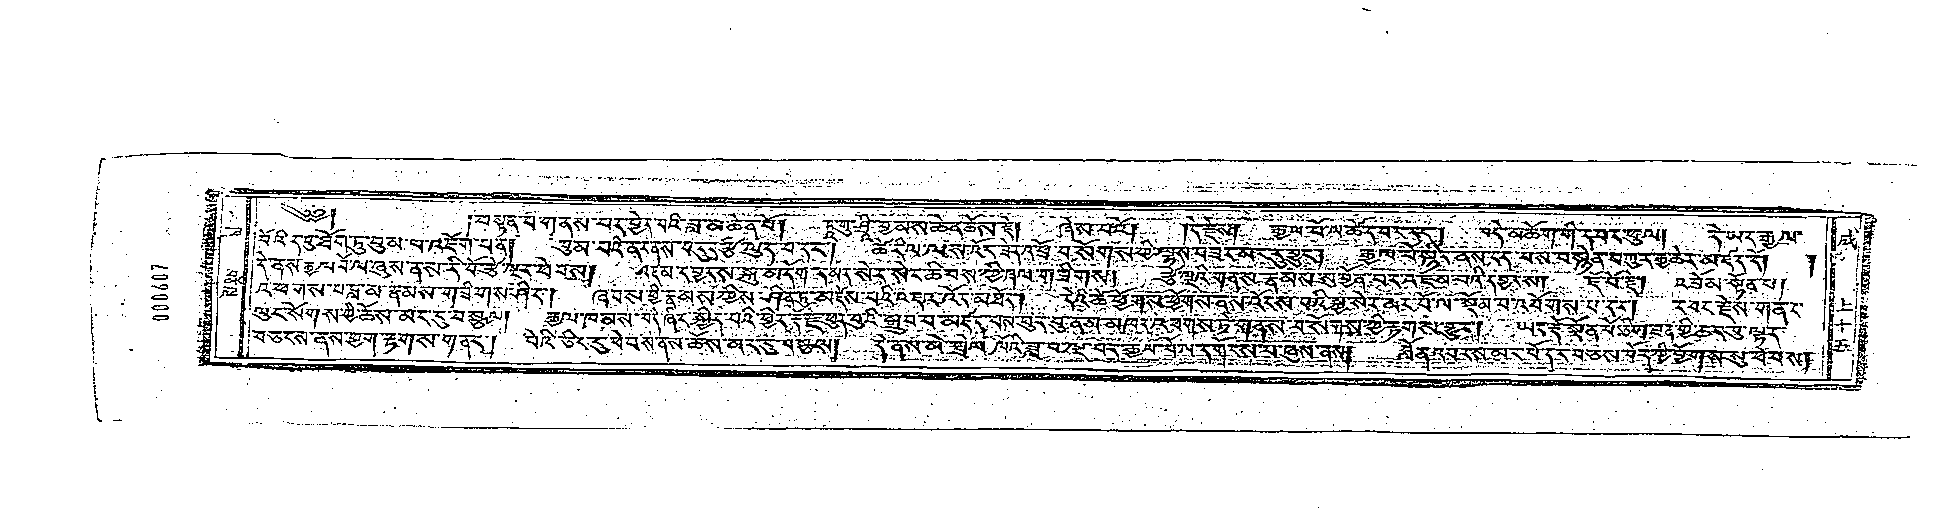༄༅། །བསྟན་པ་གནས་པར་བྱེད་པའི་བླ་མ་ཆེན་པོ། ཏཱ་གུ་ཤྲཱི་བྱམས་ཆེན་ཆོས་རྗེ། ཞེས་པའོ། །དེ་རྗེས། རྒྱལ་པོ་ལ་ཚེ་དབང་དང་། བདེ་མཆོག་གི་དབང་ཕུལ། དེ་ཡང་རྒྱལ་
བོའི་དབུ་ཐོག་ཏུ་བུམ་པ་འཇོག་པ་ན། བུམ་པའི་ནང་ནས་བདུད་རྩི་ལུང་པ་དང་། ཚེ་རིལ་ལས་འོད་ཟེར་འཕྲོ་བ་སོགས་ཀྱི་ལྟས་བཟང་མང་དུ་བྱུང་། རྒྱལ་པོ་སྙིང་ནས་དད་པས་བསྙེན་བཀུར་རྒྱ་ཆེར་མཛད་དོ། །
དེ་ནས་རྒྱལ་བོ་ལ་ཞུས་ནས་དི་བོ་རྩེ་ལྔར་ཕེབས། འཇམ་དབྱངས་སྐུ་མདོག་དམར་སེར་སེང་ཆིབས་ཀྱི་ཞལ་གཟིགས། རྩེ་ལྔའི་གནས་རྣམས་སུ་བྱོན་པར་འཇམ་པའི་དབྱངས། ཇོ་བོ་རྗེ། འབྲོམ་སྟོན་པ།
འཕགས་པ་བླ་མ་རྣམས་གཟིགས་ཤིང་། ཞབས་ཕྱི་རྣམས་ཀྱིས་ཤིན་ཏུ་མཛེས་པའི་འཇའ་འོད་མཐོང་། དེའི་ཚེ་ཕྱོགས་ཕྱོགས་ནས་འོངས་བའི་སྐྱ་སེར་མང་པོ་ལ་སྡོམ་པ་འབོགས་པ་དང་། དབང་རྗེས་གནང་
ལུང་སོགས་ཀྱི་ཆོས་མང་དུ་བསྩལ། རྒྱལ་ཁམས་བདེ་ཞིང་སྐྱིད་པའི་ཕྱིར་རྡོ་རྗེ་ཕུར་བུའི་སྒྲུབ་པ་མཛད་པས་ཕུར་བུ་ནམ་མཁའ་འཕགས་ཏེ་གནས་པ་སོགས་ཀྱི་རྟགས་བྱུང་། ཡང་རྡོ་སྔོན་པོ་ཅིག་ཅན་གྱི་ཆང་བུ་ལྟར་
བཅངས་ནས་ཕྱག་རྟགས་གནང་། བེའི་ཅིང་དུ་ཕེབས་ནས་ཆོས་མན་དུ་བསྩལ། དེ་ནས་མེ་སྤྲེལ་ལོའི་ཟླ་བ་ལྔ་པར་རྒྱལ་པོ་ལ་དགོངས་པ་ཞུས་ནས། བློན་འབངས་མང་པོ་དང་བཅས་བོད་ཀྱི་ཕྱོགས་སུ་ཕེབས།